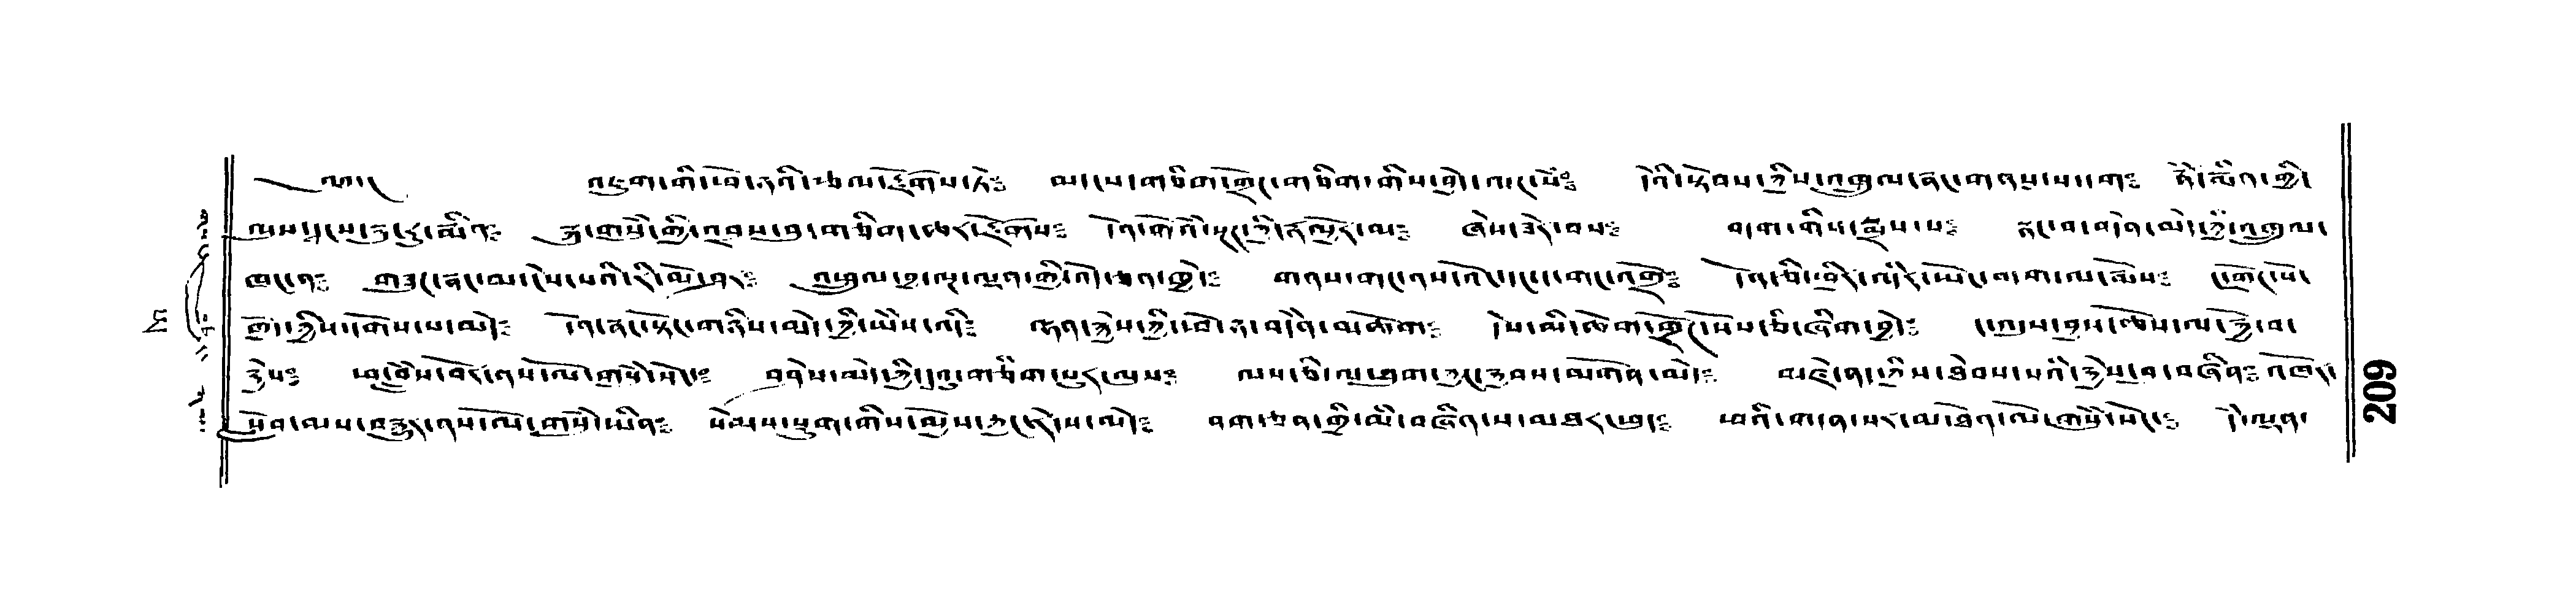འཇུག་གི་ཕོ་ཉའི་རྩལ་རྫོགས་ཏེ༔ མདངས་གཅིག་གྲོགས་གཅིག་གིས་བྱེད་ལགས་སམ༔ དེའི་སྟོབས་ཀྱིས་འཁྲུལ་སྣང་གནས་སུ་དག༔ རྣམ་སྨིན་གྱི་
ལུས་དྭངས་སྐུ་རུ་སྨིན༔ སྐུ་གསུམ་གྱི་འབྲས་བུ་གཅིག་ཆར་རྫོགས༔ དོན་གོའམ་སྔགས་ཀྱི་རྣལ་འབྱོར་མ༔ ཞེས་ཟེར་བས༔ བདག་གིས་སྨྲས་པ༔ སྣང་བ་བདེན་མེད་ཀྱི་འཁྲུལ་
ཁང་ན༔ གཟུགས་སྣང་མ་ངེས་པའི་རི་མོ་ཤར༔ འཕྲུལ་བྱ་ལྔ་ལྡན་གྱི་འོད་ཅན་ཁྱེད༔ གནས་གང་ནས་འོང་དང་ད་གང་འགྲོ༔ དོན་ཅིའི་ཕྱིར་འདིར་ཡོངས་བདག་ལ་སྨོས༔ ང་གྲོགས་པོ་
ཁྱོད་ཀྱིས་དགོས་པ་མེད༔ དོན་སྣང་སྟོང་གཉིས་མེད་ཀྱི་ཡེ་ཤེས་འདི༔ ལྷན་སྐྱེས་ཀྱི་ཕོ་ཉ་བདེ་ཆེན་མཆོག༔ དེས་མི་ཆོག་གྲོགས་པོས་ཅི་ཞིག་བྱེད༔ ང་འདུས་བྱས་ཆོས་ལ་སྐྱོ་བ་
སྐྱེས༔ ཕ་བླ་མས་བོར་ནས་ལོ་གསུམ་སོང༔ བཤེས་མེད་ཀྱི་དྭའུ་གཅིག་པུར་ལུས༔ ལས་གཅི་ལ་ཐུག་ཀྱང་སྐྱབས་མགོན་མེད༔མཛེ་ནད་ཀྱིས་ཐེབས་པའི་སྐྱེས་བུ་བཞིན༔ འཁོར་
སློབ་མས་བསྐྱུར་ནས་ལོ་གསུམ་ཡིན༔ སེམས་སྡུག་གིས་མྱོས་ཀྱང་རེ་ས་མེད༔ ནག་ཅན་གྱི་མི་བཞིན་ས་མཐར་ཕུད༔ ཕའི་གདན་སར་མ་ཐོན་ལོ་གསུམ་སོང༔ དམ་ལྡན་